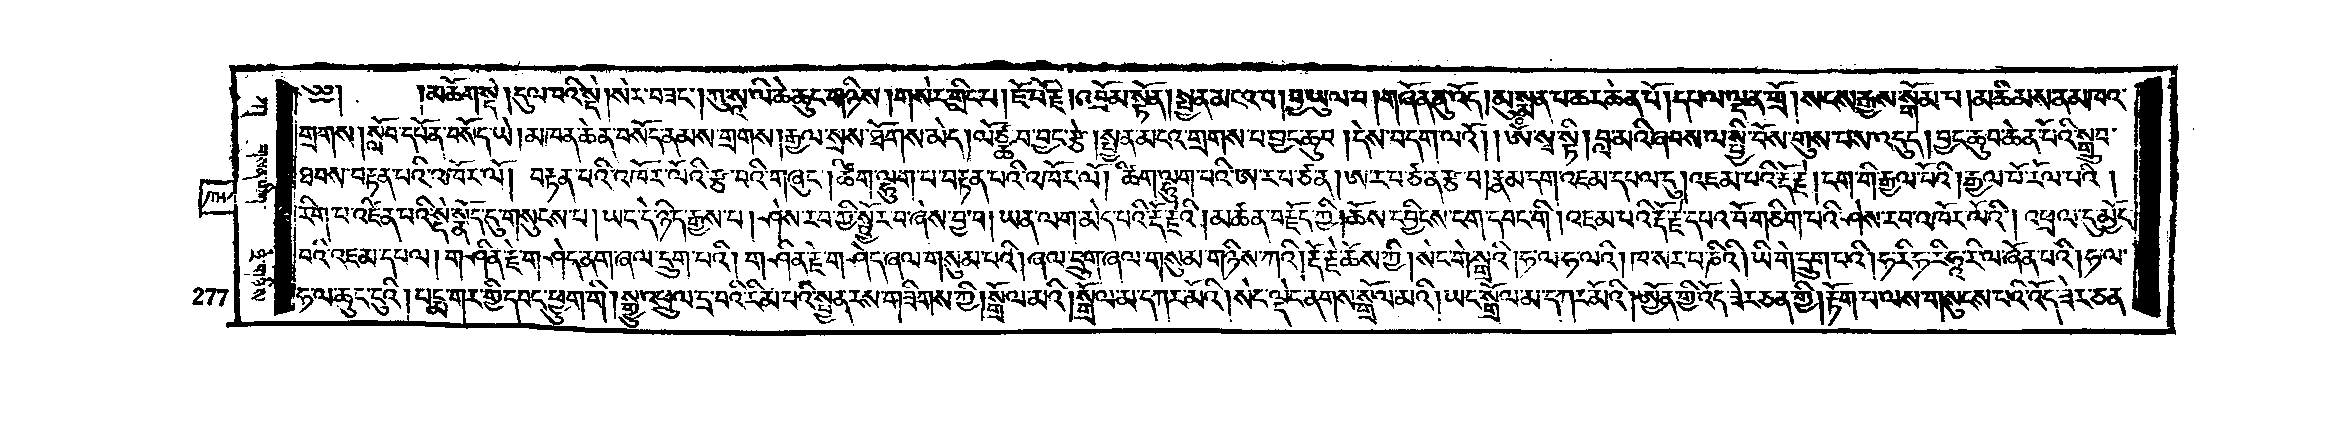༄༅། །མཆོག་སྡེ། དུལ་བའི་སྡེ། སེར་བཟང་། ཀུ་སཱ་ལི་ཆེ་ཆུང་གཉིས། གསེར་གླིང་པ། ཇོ་བོ་རྗེ་།འབྲོམ་སྟོན། སྤྱན་མངའ་བ། བྱ་ཡུལ་བ། གཞོན་ནུ་འོད། མུ་སྨན་པ་ཆར་ཆེན་པོ། དཔལ་ལྡན་གྲོ། སངས་རྒྱས་སྒོམ་པ། མཆིམས་ནམ་མཁའ་
གྲགས། སློབ་དཔོན་བསོད་ཡེ། མཁན་ཆེན་བསོད་ནམས་གྲགས། རྒྱལ་སྲས་ཐོགས་མེད། ལོཙྪ་བ་བྱང་རྩེ་།སྤྱན་མངའ་གྲགས་པ་བྱང་ཆུབ་།དེས་བདག་ལའོ། །ཨོཾ་སྭ་སྟི། བླ་མའི་ཞབས་ལ་སྤྱི་བོས་གུས་པས་འདུད་།བྱང་ཆུབ་ཆེན་པོའི་སྒྲུབ་
ཐབས་བརྟན་པའི་འཁོར་ལོ། བརྟན་པའི་འཁོར་ལོའི་རྩ་བའི་གཞུང་། ཚིག་ལྷུག་པ་བརྟན་པའི་འཁོར་ལོ། ཚིག་ལྷུག་པའི་ཨ་ར་པ་ཙ་ན། ཨ་ར་པ་ཙ་ན་རྩ་བ། རྣམ་དག་འཇམ་དཔལ་དུ། འཇམ་པའི་རྡོ་རྗེ། ངག་གི་རྒྱལ་པོའི། རྒྱལ་པོ་རོལ་པའི།
རིག་པ་འཛིན་པའི་སྡེ་སྣོད་དུ་གསུངས་པ། ཡང་དེ་ཉིད་རྒྱས་པ། ཤེས་རབ་ཀྱི་སྦྱོར་བ་ཞེས་བྱ་བ། ཡན་ལག་མེད་པའི་རྡོ་རྗེའི། མཚན་བརྗོད་ཀྱི། ཆོས་དབྱིངས་ངག་དབང་གི། འཇམ་པའི་རྡོ་རྗེ་དཔའ་བོ་གཅིག་པའི་ཤེས་རབ་འཁོར་ལོའི། འཕྲལ་དུ་མྱོང་
བའི་འཇམ་དཔལ། གཤིན་རྗེ་གཤེད་ནག་ཞལ་དྲུག་པའི། གཤིན་རྗེ་གཤེད་ཞལ་གསུམ་པའི། ཞལ་དྲུག་ཞལ་གསུམ་གཉིས་ཀའི། རྡོ་རྗེ་ཆོས་ཀྱི། སེང་གེ་སྒྲའི། ཧ་ལ་ཧ་ལའི། ཁ་སར་པ་ཎིའི། ཡི་གེ་དྲུག་པའི། ཧ་རི་ཧ་རི་ཧཱ་རི་ལ་ཞོན་པའི། ཧ་ལ་
ཧ་ལ་ཆུང་ངུའི། པདམ་གར་གྱི་དབང་ཕྱུག་གི། སྒྱུ་འཕྲུལ་དྲ་བའི་རིམ་པའི་སྤྱན་རས་གཟིགས་ཀྱི། སྒྲོལ་མའི། སྒྲོལ་མ་དཀར་མོའི། སེང་ལྡེང་ནགས་སྒྲོལ་མའི། ཡང་སྒྲོལ་མ་དཀར་མོའི། ཨཡོན་གྱི་འོད་ཟེར་ཅན་གྱི། རྟོག་པ་ལས་གསུངས་པའི་འོད་ཟེར་ཅན་